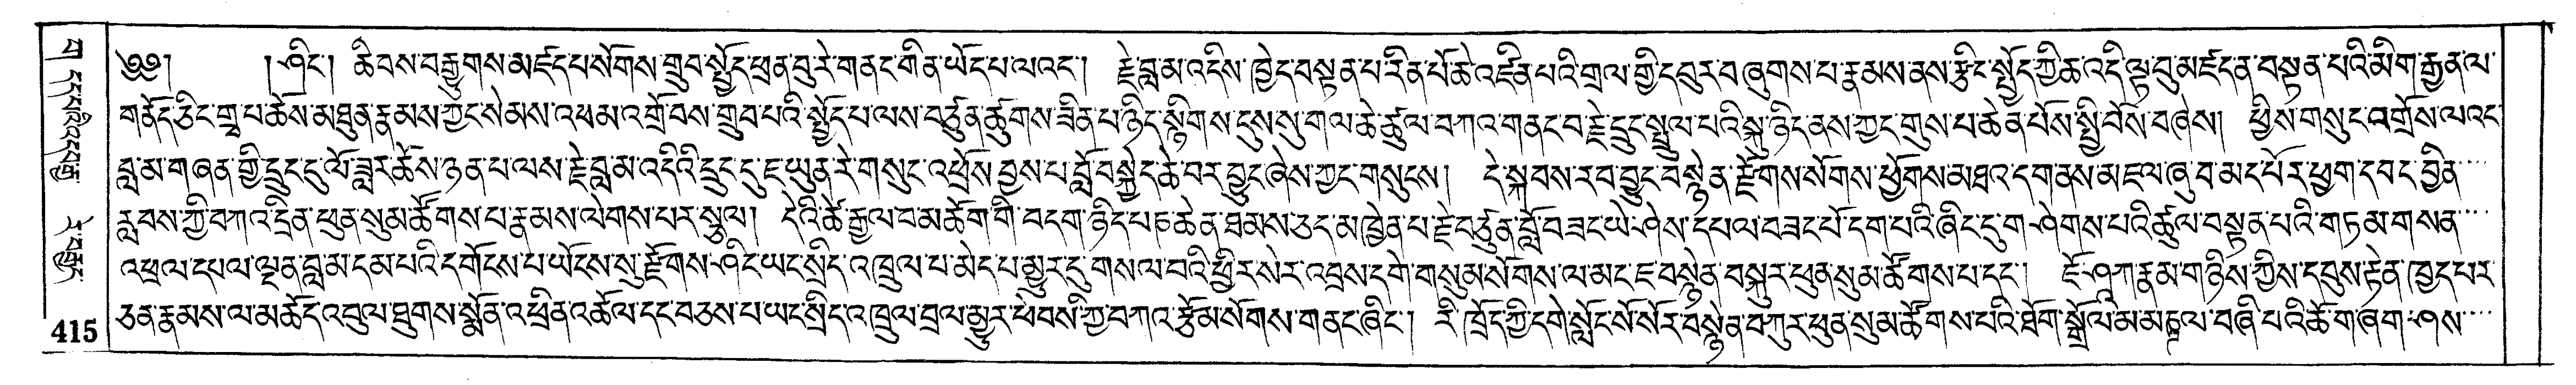༄༅། །ཤིང་། ཆིབས་བརྒྱུགས་མཛད་པ་སོགས་གྲུབ་སྤྱོད་ཕྲན་བུ་རེ་གནང་གིན་ཡོད་པ་ལའང་། རྗེ་བླ་མ་འདིས་ཁྱེད་བསྟན་པ་རིན་པོ་ཆེ་འཛིན་པའི་གྲལ་གྱི་དབུར་བཞུགས་བ་རྣམས་ནས་རྩིང་སྤྱོད་ཀྱི་ཆ་འདི་ལྟ་བུ་མཛད་ན་བསྟན་པའི་མིག་རྒྱན་ལ་
གནོད་ཅིང་གྲྭ་པ་ཆོས་མཐུན་རྣམས་ཀྱང་སེམས་འཕམ་འགྲོ་བས་གྲུབ་པའི་སྤྱོད་པ་ལས་བཙུན་ཚུགས་ཟིན་པ་ཉིད་སྙིགས་དུས་སུ་གལ་ཆེ་ཚུལ་བཀའ་གནང་བ་རྗེ་དྲུང་སྤྲུལ་པའི་སྐུ་ཉིད་ནས་ཀྱང་གུས་བ་ཆེན་པོས་སྤྱི་བོས་བཞེས། ཕྱིས་གསུང་བགྲོས་ལའང་
བླ་མ་གཞན་གྱི་དྲུང་དུ་ལོ་ཟླར་ཆོས་ཉན་པ་ལས་རྗེ་བླ་མ་འདིའི་དྲུང་དུ་ཇ་ཡུན་རེ་གསུང་འཕྲོས་བྱས་པ་བློ་བསྐྱེད་ཆེ་བར་བྱུང་ཞེས་ཀྱང་གསུངས། དེ་སྐབས་རབ་བྱུང་བསྙེན་རྫོགས་སོགས་ཕྱོགས་མཐའ་དག་ནས་མཇལ་ཞུ་བ་མང་བར་ཕྱག་དབང་བྱིན་
རླབས་ཀྱི་བཀའ་དྲིན་ཕུན་སུམ་ཚོགས་པ་རྣམས་ལེགས་པར་སྩལ། དེའི་ཚེ་རྒྱལ་བ་མཆོག་གི་བདག་ཉིད་པཎ་ཆེན་ཐམས་ཅད་མཁྱེན་བ་རྗེ་བཙུན་བློ་བཟང་ཡེ་ཤེས་དཔལ་བཟང་པོ་དག་པའི་ཞིང་དུ་གཤེགས་པའི་ཚུལ་བསྟན་པའི་གཏམ་གསན་
འཕྲལ་དཔལ་ལྡན་བླ་མ་དམ་པའི་དགོངས་པ་ཡོངས་སུ་རྫོགས་ཤིང་ཡང་སྲིད་འཁྲུལ་པ་མེད་པ་མྱུར་དུ་གསལ་བའི་ཕྱིར་སེར་འབྲས་དགེ་གསུམ་སོགས་ལ་མང་ཇ་བསྙེན་བསྐུར་ཕུན་སུམ་ཚོགས་པ་དང་། ཇོ་ཤཱཀ་རྣམ་གཉིས་ཀྱིས་དབུས་རྟེན་ཁྱད་པར་
ཅན་རྣམས་ལ་མཆོད་འབུལ་ཐུགས་སྨོན་འཕྲིན་འཆོལ་དང་བཅས་པ་ཡང་སྲིད་འཁྲུལ་བྲལ་མྱུར་ཕེབས་ཀྱི་བཀའ་རྩོམ་སོགས་གནང་ཞིང་། རི་ཁྲོད་ཀྱི་དགེ་སློང་སོ་སོར་བསྙེན་བཀུར་ཕུན་སུམ་ཚོགས་པའི་ཐོག་སྒྲོལ་མ་མཎྜལ་བཞི་བའི་ཆོ་གཞག་ཤེས་